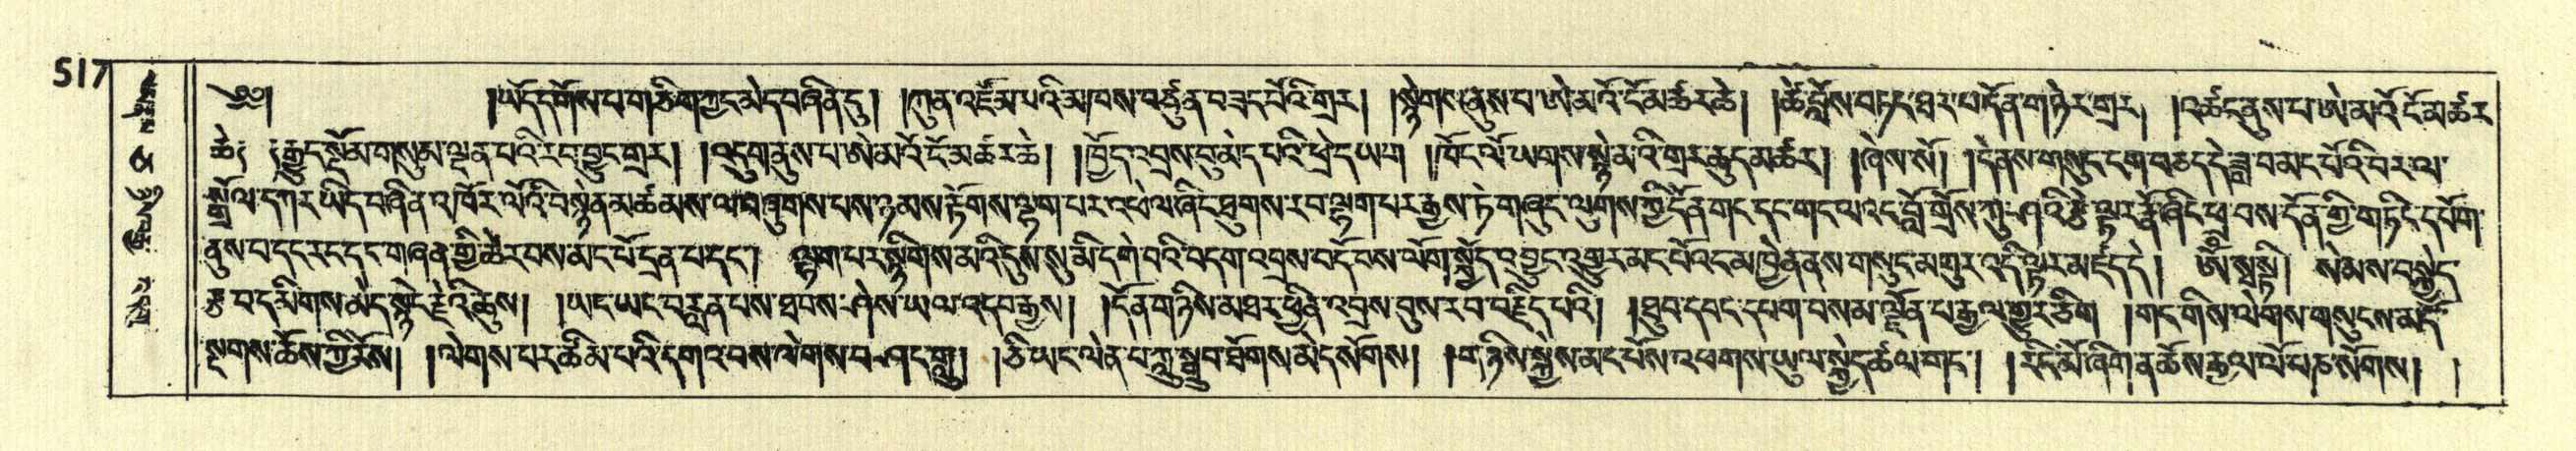༄༅། །ཡོད་དགོས་པ་གཅིག་ཀྱང་མེད་བཞིན་དུ། །ཀུན་འཛོམ་པའི་མཁས་བཙུན་བཟང་པོའི་གྲར། །སྙེགས་ནུས་པ་ཨེ་མའོ་ངོ་མཚར་ཆེ། །ཚེ་བློས་བཏང་ཐར་བདོན་གཉེར་གྲར། །འཚང་ནུས་པ་ཨེ་མའོ་ངོ་མཚར་
ཆེ༑ ༑རྒྱུད་སྔོན་གསུམ་ལྡན་པའི་རབ་བྱུང་གྲར། །འདུག་ནུས་པ་ཨེ་མའོ་ངོ་མཚར་ཆེ། །ཁྱོད་འབྲས་བུ་མེད་པའི་ཕྲེད་ཡག །ཁོང་ལོ་ཡགས་སྙེ་མའི་གྲར་ཆུད་མཚར། །ཞེས་སོ། །དེ་ནས་གསུང་ངག་བཅད་དེ་ཟླ་བ་མང་པོའི་བར་ལ་
སྒྲོལ་དཀར་ཡིད་བཞིན་འཁོར་ལོའི་བསྙེན་མཚམས་ལ་བཞུགས་པས་ཉམས་རྟོགས་ལྷག་པར་འཕེལ་ཞིང་ཐུགས་རབ་ལྷག་པར་རྒྱས་ཏེ་གཞུང་ལུགས་ཀྱི་དོན་གང་དང་གང་ལའང་བློ་གྲོས་ཀུ་ཤའི་རྩེ་ལྟར་རྣོ་ཞིང་ཕྲ་བས་དོན་གྱི་གཏིང་དཔོག་
ནུས་བ་དང་རང་དང་གཞན་གྱི་ཚེ་རབས་མང་པོ་དྲན་པ་དང་། ལྷག་པར་སྙིགས་མའི་དུས་སུ་མི་དགེ་བའི་བདག་འབྲས་བདོ་བས་ལོག་སྐྱོད་འབྱུང་འགྱུར་མང་པོའང་མཁྱེན་ནས་གསུང་མགུར་འདི་ལྟར་མཛད་དེ། ཨོཾ་སྭསྟི། སེམས་བསྐྱེད་
རྩབ་དམིགས་མེད་སྙིང་རྗེའི་ཆུས། །ཡང་ཡང་བརླན་པས་ཐབས་ཤེས་ཡལ་འདབ་རྒྱས། །དོན་གཉིས་མཐར་ཕྱིན་འབྲས་བུར་རབ་བརྗིད་པའི། །ཐུབ་དབང་དཔག་བསམ་ལྗོན་པ་རྒྱལ་གྱུར་ཅིག །གང་གིས་ལེགས་གསུངས་མདོ་
སྔགས་ཆོས་ཀྱི་རོས། །ལེགས་པར་ཚིམ་པའི་དགའ་བས་ལེགས་བཤད་གླུ། །ཅི་ཡང་ལེན་པ་ཀླུ་སྒྲུབ་ཐོགས་མེད་སོགས། །གཉིས་སྐྱེས་མང་པོས་འཕགས་ཡུལ་སྐྱེད་ཚལ་གང་། །རིང་མོ་ཞིག་ན་ཆོས་རྒྱལ་ལོ་པཎ་སོགས། །